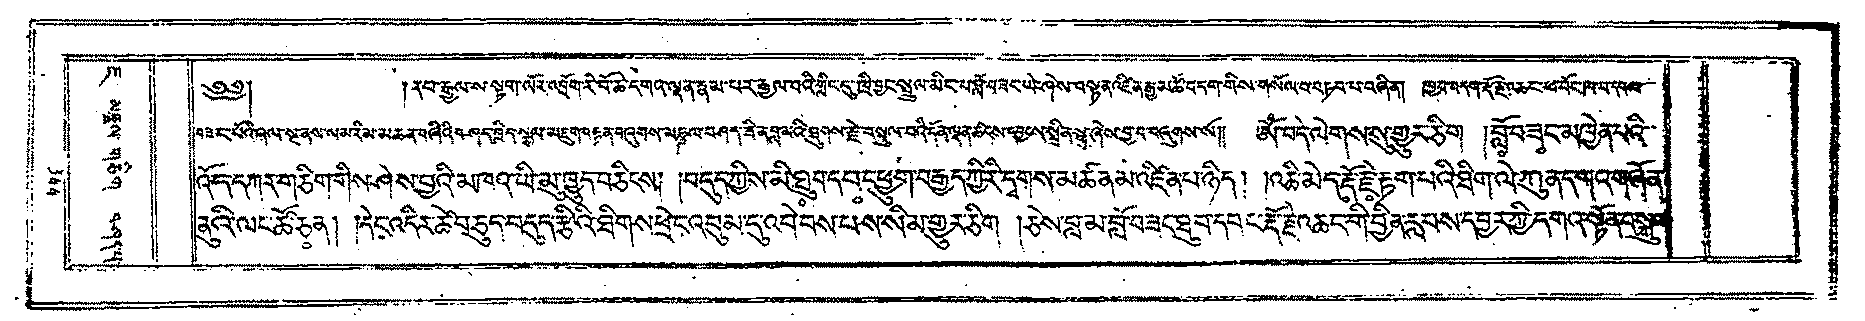༄༅། །རབ་རྒྱལ་ས་སྟག་ལོར་འབྲོག་རི་བོ་ཆེ་དགའ་ལྡན་རྣམ་པར་རྒྱལ་བའི་གླིང་དུ་ཁྲི་བྱང་སྤྲུལ་མིང་པ་བློ་བཟང་ཡེ་ཤེས་བསྟན་འཛིན་རྒྱ་མཚོ་བདག་གིས་གསོལ་བ་བཏབ་པ་བཞིན། ཁྱབ་བདག་རྡོ་རྗེ་འཆང་ཕ་བོང་ཁ་པ་དཔལ་
བཟང་པོའི་ཞལ་སྔ་ནས་ལམ་རིམ་མཆན་བཞིའི་བཤད་ཁྲིད་སྩལ་མཇུག་བརྟན་བཞུགས་མཎྜལ་བཤད་ཟིན་བླ་མའི་ཐུགས་རྗེ་བསྐུལ་བའི་དོན་ལྡན་ཚངས་དབྱངས་སྤྲིན་སྒྲ་ཞེས་བྱ་བ་བཞུགས་སོ། །ཨོཾ་བདེ་ལེགས་སུ་གྱུར་ཅིག །བློ྾་བཟང྾་མཁྱེན་པའི་
འོད་དཀར་གཅིག་གིས་ཤེས་བྱའི་མཁའ་ཡི་མུ་ཁྱུད་བཅིངས། །བདུད་ཀྱིས་མི་ཐུབ྾་དབང྾་ཕྱུག་བརྒྱད་ཀྱི་རི་དྭགས་མཚན་མ་འཛིན་པ་ཉིད། །འཆི་མེད་རྡོ྾་རྗེ྾་རྟག་པའི་ཐིག་ལེ་ཀུན་དགའ་གཞོན་
ནུའི་ལང་ཚོ་ཅན྾། །དེང་འདིར་ཚེ་བཅུད་བདུད་རྩིའི་ཐིགས་ཕྲེང་འབུམ་དུ་འབེབས་པས་སིམ་གྱུར་ཅིག །ཅེས་བླ་མ་བློ་བཟང་ཐུབ་དབང་རྡོ་རྗེ་འཆང་གི་བྱིན་རླབས་དབྱར་གྱི་དགའ་སྟོན་བསྐུལ་